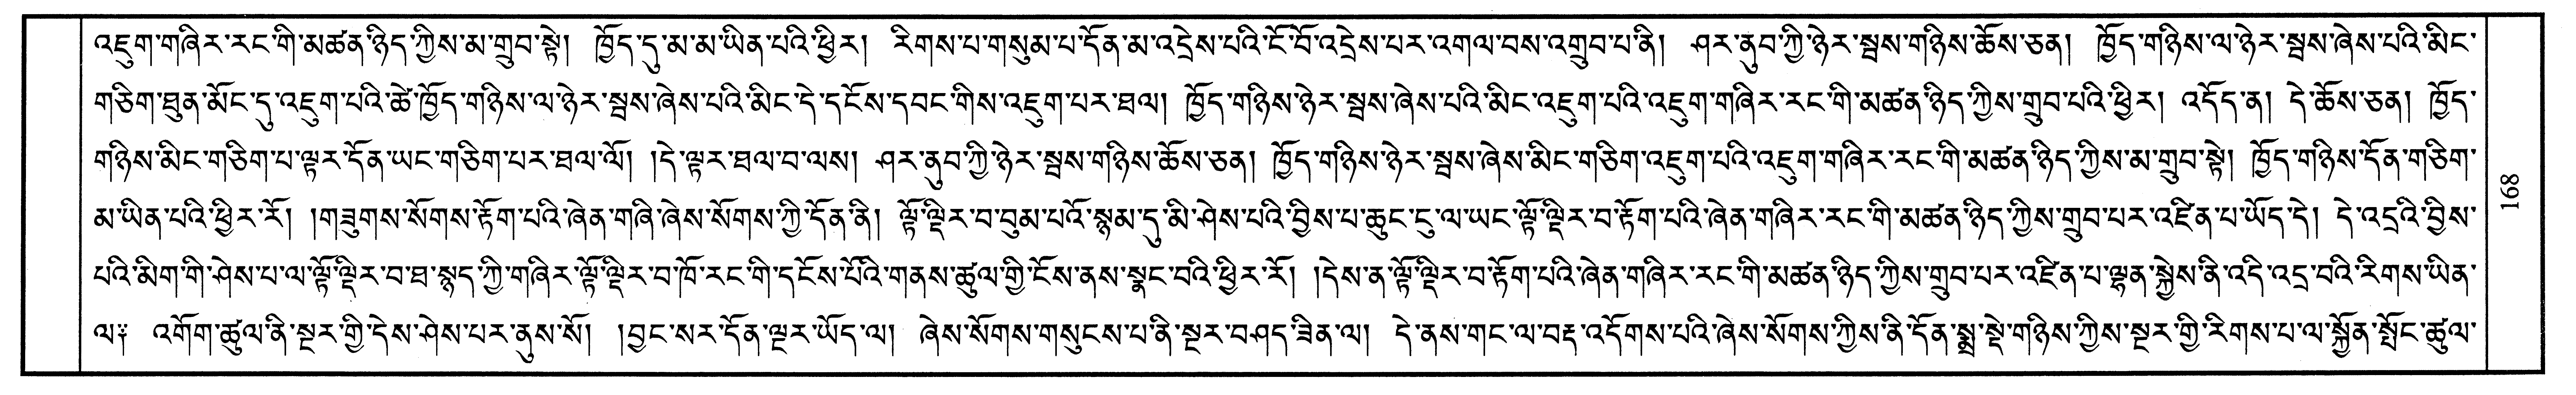འཇུག་གཞིར་རང་གི་མཚན་ཉིད་ཀྱིས་མ་གྲུབ་སྟེ། ཁྱོད་དུ་མ་མ་ཡིན་པའི་ཕྱིར། རིགས་པ་གསུམ་པ་དོན་མ་འདྲེས་པའི་ངོ་བོ་འདྲེས་པར་འགལ་བས་འགྲུབ་པ་ནི། ཤར་ནུབ་ཀྱི་ཉེར་སྦས་གཉིས་ཆོས་ཅན། ཁྱོད་གཉིས་ལ་ཉེར་སྦས་ཞེས་པའི་མིང་
གཅིག་ཐུན་མོང་དུ་འཇུག་པའི་ཚེ་ཁྱོད་གཉིས་ལ་ཉེར་སྦས་ཞེས་པའི་མིང་དེ་དངོས་དབང་གིས་འཇུག་པར་ཐལ། ཁྱོད་གཉིས་ཉེར་སྦས་ཞེས་པའི་མིང་འཇུག་པའི་འཇུག་གཞིར་རང་གི་མཚན་ཉིད་ཀྱིས་གྲུབ་པའི་ཕྱིར། འདོད་ན། དེ་ཆོས་ཅན། ཁྱོད་
གཉིས་མིང་གཅིག་པ་ལྟར་དོན་ཡང་གཅིག་པར་ཐལ་ལོ། །དེ་ལྟར་ཐལ་བ་ལས། ཤར་ནུབ་ཀྱི་ཉེར་སྦས་གཉིས་ཆོས་ཅན། ཁྱོད་གཉིས་ཉེར་སྦས་ཞེས་མིང་གཅིག་འཇུག་པའི་འཇུག་གཞིར་རང་གི་མཚན་ཉིད་ཀྱིས་མ་གྲུབ་སྟེ། ཁྱོད་གཉིས་དོན་གཅིག་
མ་ཡིན་པའི་ཕྱིར་རོ། །གཟུགས་སོགས་རྟོག་པའི་ཞེན་གཞི་ཞེས་སོགས་ཀྱི་དོན་ནི། ལྟོ་ལྡིར་བ་བུམ་པའོ་སྙམ་དུ་མི་ཤེས་པའི་བྱིས་པ་ཆུང་ངུ་ལ་ཡང་ལྟོ་ལྡིར་བ་རྟོག་པའི་ཞེན་གཞིར་རང་གི་མཚན་ཉིད་ཀྱིས་གྲུབ་པར་འཛིན་པ་ཡོད་དེ། དེ་འདྲའི་བྱིས་
པའི་མིག་གི་ཤེས་པ་ལ་ལྟོ་ལྡིར་བ་ཐ་སྙད་ཀྱི་གཞིར་ལྟོ་ལྡིར་བ་ཁོ་རང་གི་དངོས་པོའི་གནས་ཚུལ་གྱི་ངོས་ནས་སྣང་བའི་ཕྱིར་རོ། །དེས་ན་ལྟོ་ལྡིར་བ་རྟོག་པའི་ཞེན་གཞིར་རང་གི་མཚན་ཉིད་ཀྱིས་གྲུབ་པར་འཛིན་པ་ལྷན་སྐྱེས་ནི་འདི་འདྲ་བའི་རིགས་ཡིན་
ལ༑ འགོག་ཚུལ་ནི་སྔར་གྱི་དེས་ཤེས་པར་ནུས་སོ། །བྱང་སར་དོན་ལྔར་ཡོད་ལ། ཞེས་སོགས་གསུངས་པ་ནི་སྔར་བཤད་ཟིན་ལ། དེ་ནས་གང་ལ་བརྡ་འདོགས་པའི་ཞེས་སོགས་ཀྱིས་ནི་དོན་སྨྲ་སྡེ་གཉིས་ཀྱིས་སྔར་གྱི་རིགས་པ་ལ་སྐྱོན་སྤོང་ཚུལ་